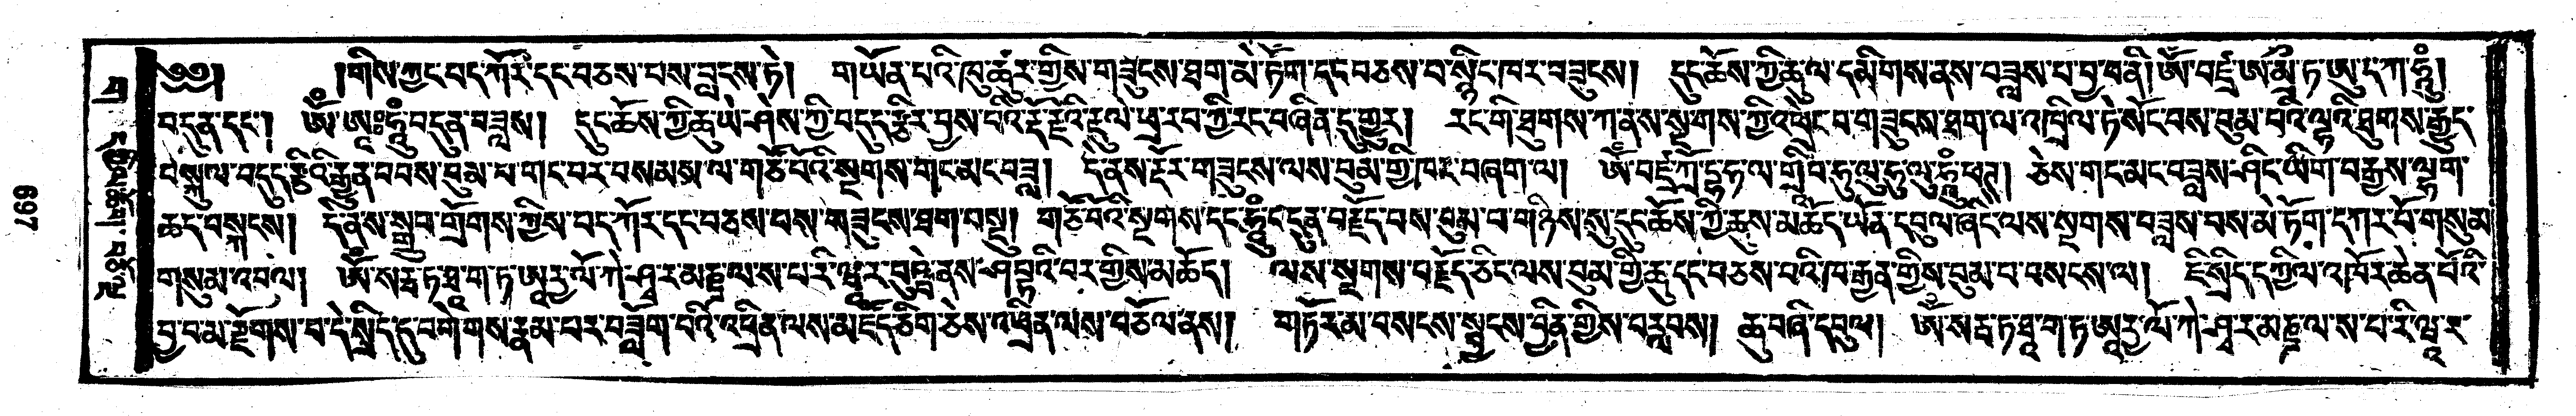༄༅། །གིས་ཀྱང་པད་ཀོར་དང་བཅས་པས་བླངས་ཏེ། གཡོན་པའི་ཁུ་ཚུར་གྱིས་གཟུངས་ཐག་མེ་ཏོག་དང་བཅས་པ་སྙིང་ཁར་བཟུངས། དུང་ཆོས་ཀྱི་ཆུ་ལ་དམིགས་ནས་བཟླས་པ་བྱ་བ་ནི། ཨོཾ་བཛྲ་ཨ་མྲྀ་ཏ་ཨུ་ད་ཀ་ཧཱུཾ།
བདུན་དང་། ཨོཾ་ཨཱཿཧཱུཾ་བདུན་བཟླས། དུང་ཆོས་ཀྱི་ཆུ་ཡེ་ཤེས་ཀྱི་བདུད་རྩིར་བྱས་པའི་རྡོ་རྗེའི་རྡུལ་ཕྲ་རབ་ཀྱི་རང་བཞིན་དུ་གྱུར། རང་གི་ཐུགས་ཀ་ནས་སྔགས་ཀྱི་འཕྲེང་བ་གཟུངས་ཐག་ལ་འཁྲིལ་ཏེ་སོང་བས་བུམ་པའི་ལྷའི་ཐུགས་རྒྱུད་
བསྐུལ་བདུད་རྩིའི་རྒྱུན་བབས་བུམ་པ་གང་བར་བསམས་ལ་གཙོ་བོའི་སྔགས་གང་མང་བཟླ། དེ་ནས་རྡོར་གཟུངས་ལས་བུམ་གྱི་ཁང་བཞག་ལ། ཨོཾ་བཛྲ་ཀྲོ་དྷ་ཧ་ལ་གྲིབ་ཧུ་ལུ་ཧུ་ལུ་ཧཱུཾ་ཕཊ། ཅེས་གང་མང་བཟླས་ཤིང་ཡིག་བརྒྱས་ལྷག་
ཆད་བསྐངས། དེ་ནས་སྒྲུབ་གྲོགས་ཀྱིས་པད་ཀོར་དང་བཅས་པས་གཟུངས་ཐག་བསྡུ། གཙོ་བོའི་སྔགས་དང་ཧཱུཾ་བདུན་བརྗོད་པས་བུམ་པ་གཉིས་སུ་དུང་ཆོས་ཀྱི་ཆུས་མཆོད་ཡོན་དབུལ་ཞིང་ལས་སྔགས་བཟླས་བས་མེ་ཏོག་དཀར་པོ་གསུམ་
གསུམ་འབུལ། ཨོཾ་སརྦ་ཏ་ཐཱ་ག་ཏ་ཨཱརྱ་ལོ་ཀེ་ཤྭ་ར་མཎྜལ་ལ་ས་པ་རི་ཝཱ་ར་བུཥྤེ་ནས་ཤཔྟཱི་བར་གྱིས་མཆོད། ལས་སྔགས་བརྗོད་ཅིང་ལས་བུམ་གྱི་ཆུ་དང་བཅས་པའི་ཁ་རྒྱན་གྱིས་བུམ་པ་བསངས་ལ། ཇི་སྲིད་དཀྱིལ་འཁོར་ཆེན་པོའི་
བྱ་བ་མ་རྫོགས་པ་དེ་སྲིད་དུ་བགེགས་རྣམ་པར་བཟློག་པའི་འཕྲིན་ལས་མཛད་ཅིག་ཅེས་འཕྲིན་ལས་བཅོལ་ནས། གཏོར་མ་བསངས་སྦྱངས་བྱིན་གྱིས་བརླབས། ཆུ་བཞི་དབུལ། ཨོཾ་སརྦ་ཏ་ཐཱ་ག་ཏ་ཨཱརྱ་ལོ་ཀེ་ཤྭ་ར་མཎྜ་ལ་ས་པ་རི་ཝཱ་ར་